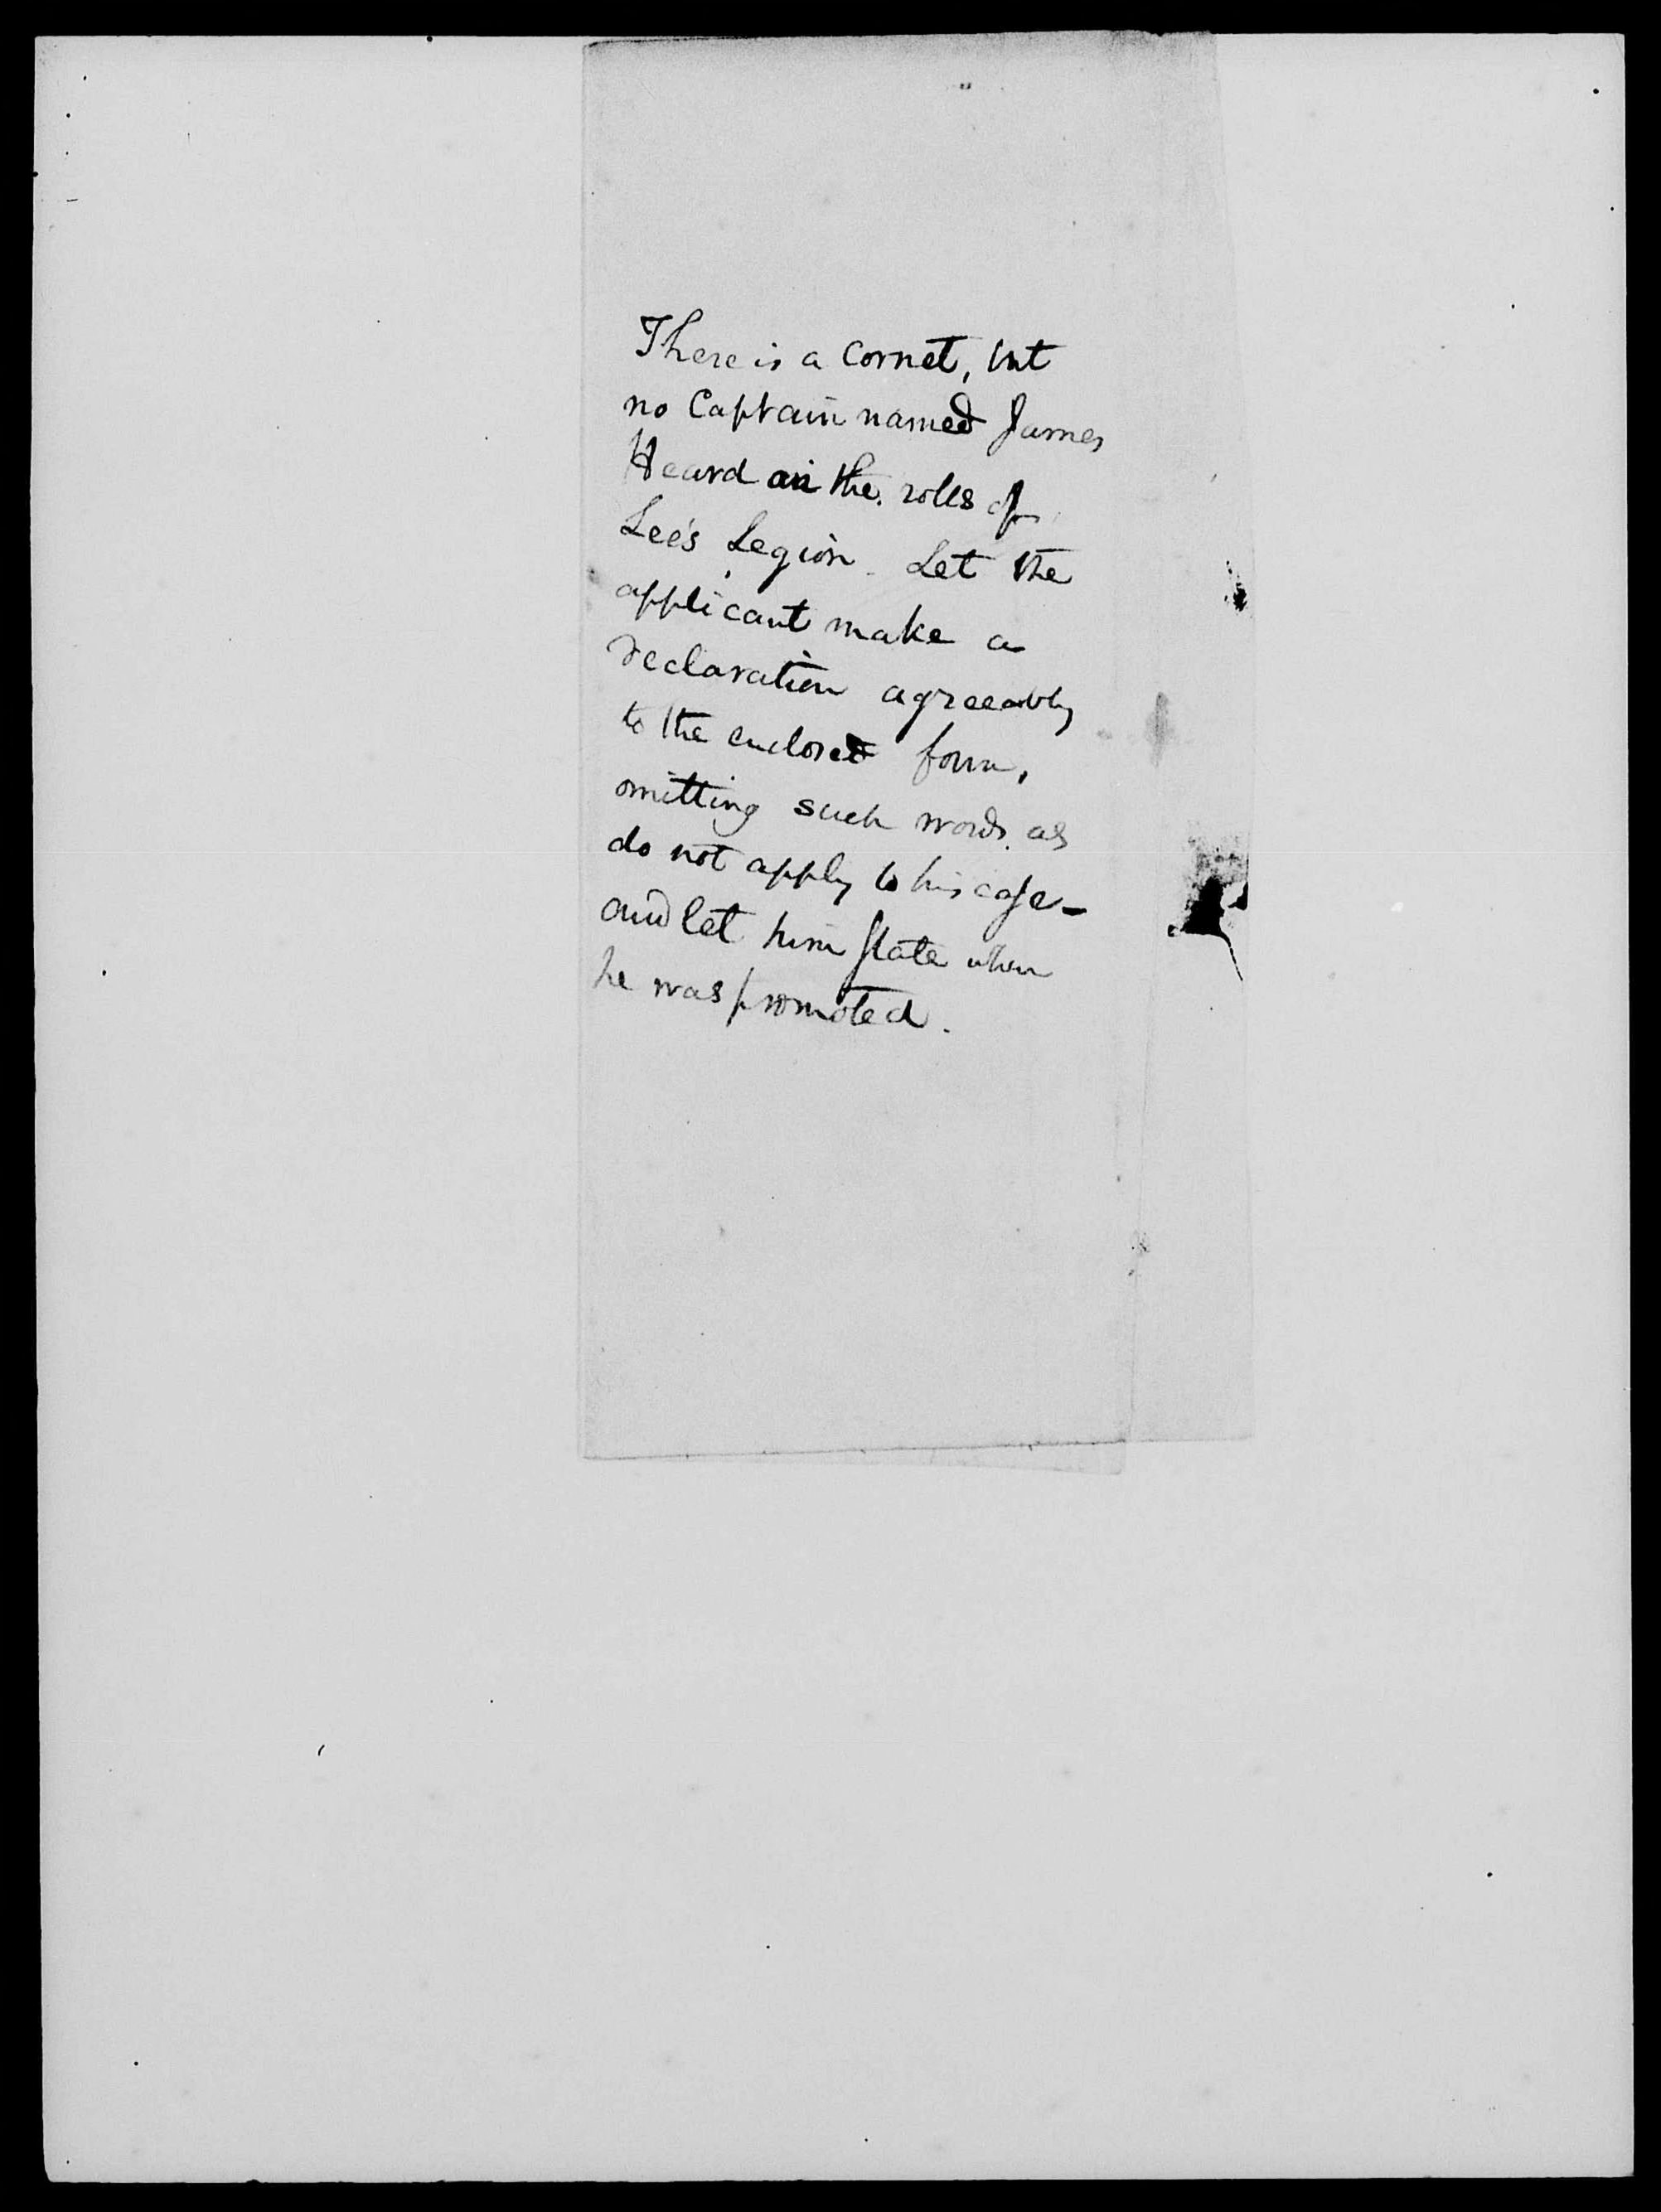There is a Colonel, but no Captain named James Heard in the rolls of Lee’s Legion. Let the applicant make a declaration agreement, to the enclosed form, omitting such words as [they] do not apply to his case and let him state when he was promoted.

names: James Heard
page: 54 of 62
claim: survivor's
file: S. 540, James Heard, Continental - New Jersey Residence In 1818